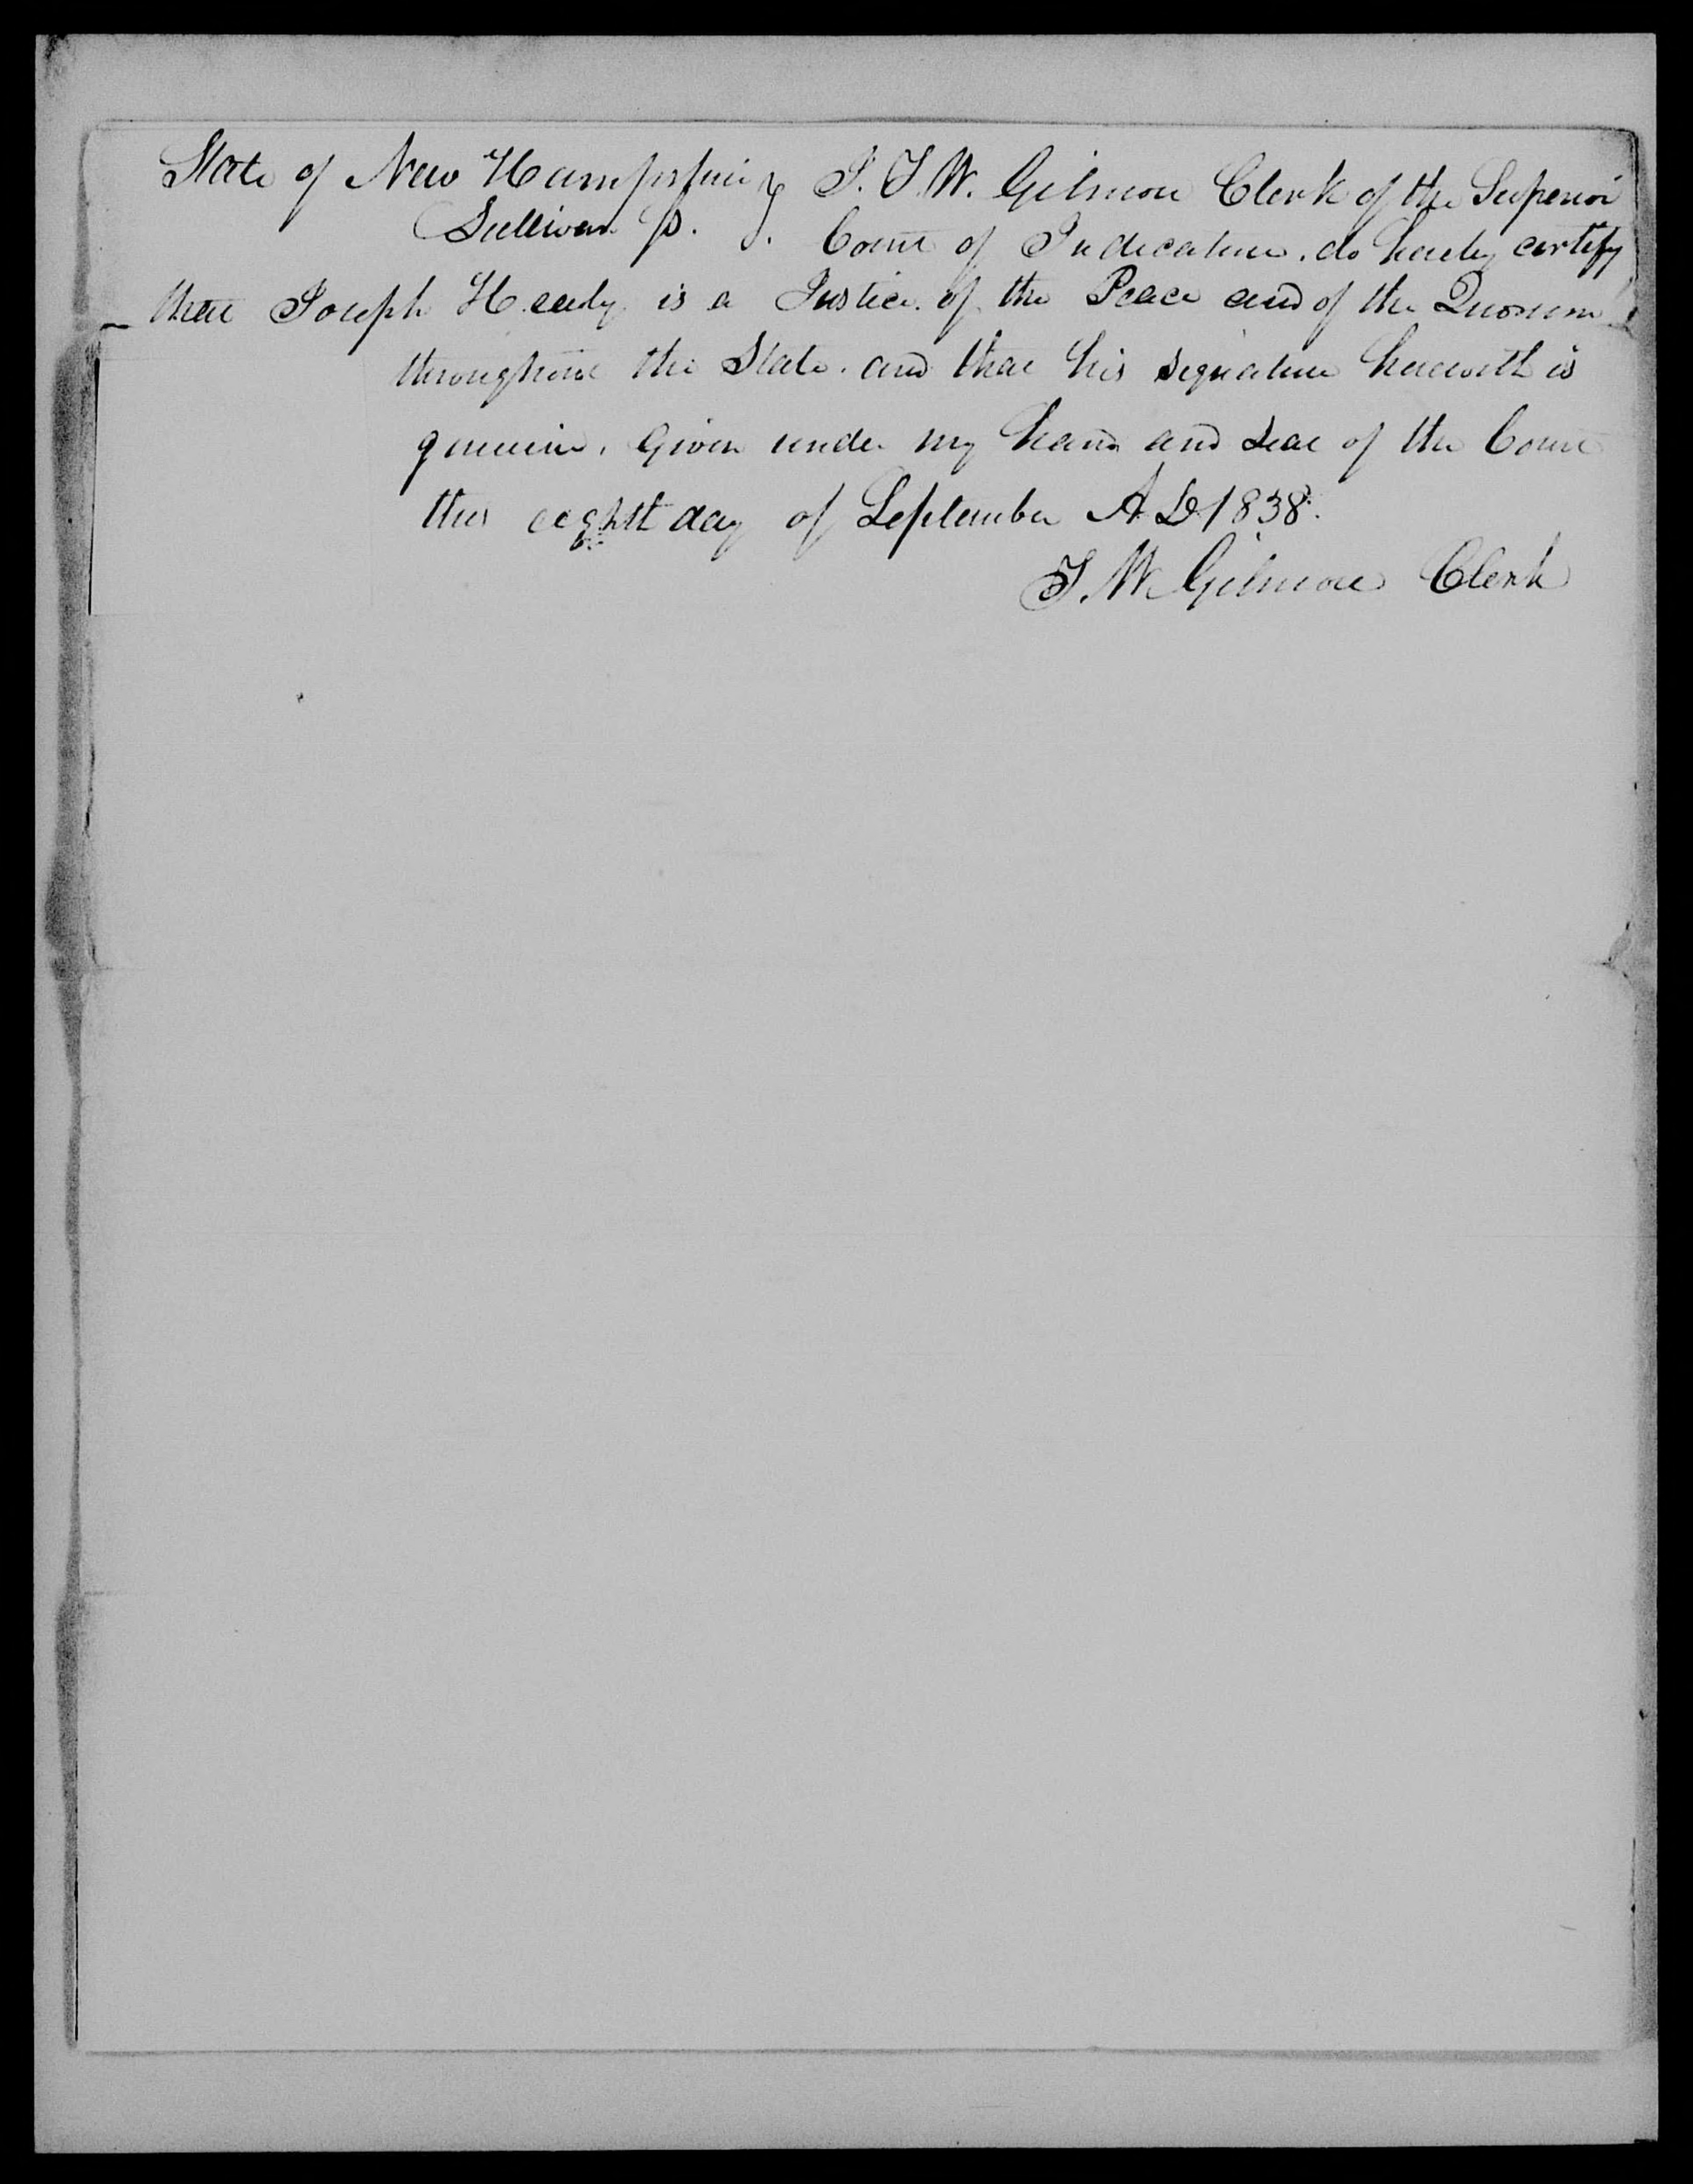State of New Hampshire
Sullivan Ss.
I T. W. Gilman Clerk of the Superior Court of Judication do hereby certify that Joseph Healy is a Justice of the Peace and of the Quorum throughout the State and that his signature herewith is genuine. Given under my hand and seal of the Court this eight day of September A. D. 1838
T. W. Gilmore, Clerk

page: 5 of 41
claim: widow's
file: W 26507, for Church Tabor, Massachusetts